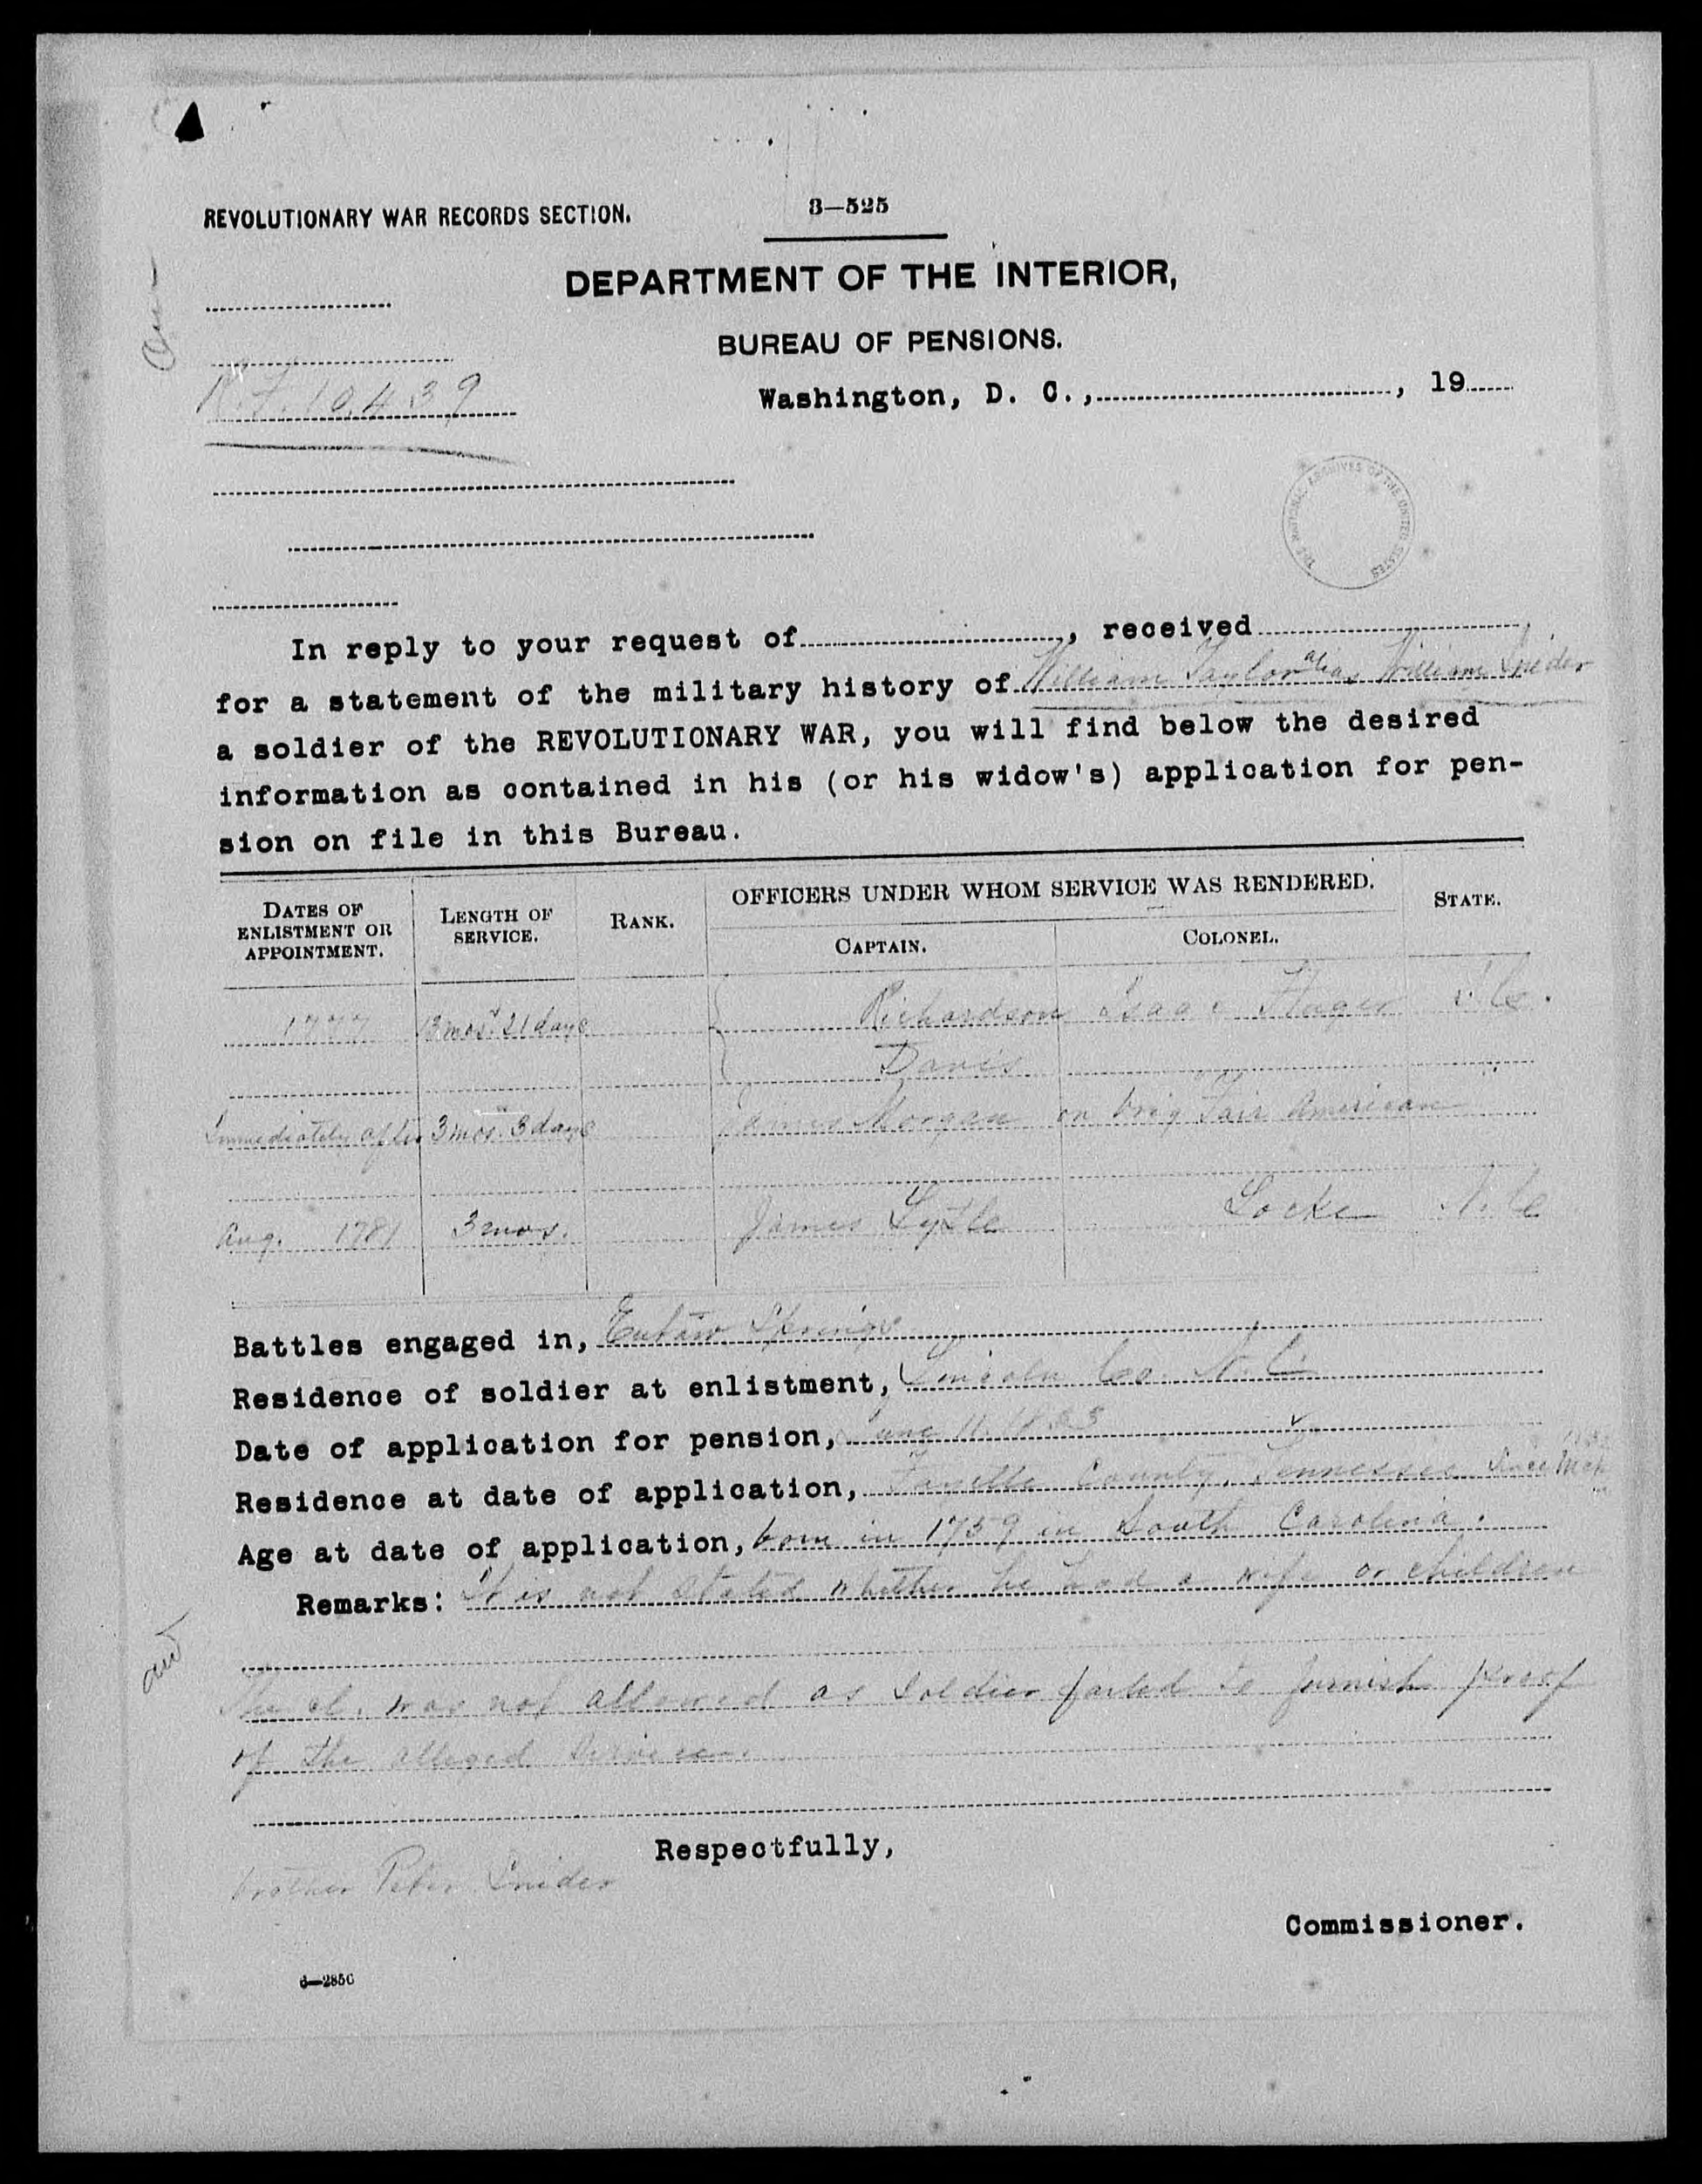[stamp] THE NATIONAL ARCHIVES OF THE UNITED STATES

REVOLUTIONARY WAR RECORDS SECTION. 3-525
DEPARTMENT OF THE INTERIOR,
BUREAU OF PENSIONS.
Washington, D. C., [blank], 19 [blank]
R.F. 10,439
In reply to your request of [blank], received [blank] for a statement of the military history of William Taylor alias William Snider a soldier of the REVOLUTIONARY WAR, you will find below the desired information as contained in his (or his widow's) application for pension on file in this Bureau.
DATE OF ENLISTMENT OR APPOINTMENT.
LENGTH OF SERVICE.
RANK.
OFFICERS UNDER WHOM SERVICE WAS RENDERED.
CAPTAIN. COLONEL.
STATE.
1777, 13 mos. & 21 days [captain] Richardson Davis [colonel] Isaac Hager S.C.
Immediately after 3 mos. 3 days [captain] James Morgan on brig Fair American
Aug. 1781 3 mos [captain] James Lytle [colonel] Locke N.C.
Battles engaged in, Eutaw Springs
Residence of soldier at enlistment, Lincoln Co. N.C.
Date of application for pension, June 11, 1833
Residence at date of application, Fayette County, Tennessee since Mch. 1832
Age at date of application, born in 1759 in South Carolina.
Remarks: It is not stated whether he had a wife or children. This cl. was not allowed as soldier failed to furnish proof of the alleged service.
brother Peter Snider
Respectfully,
Commissioner.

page: 13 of 33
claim: rejected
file: R 10439, for William Taylor, North Carolina